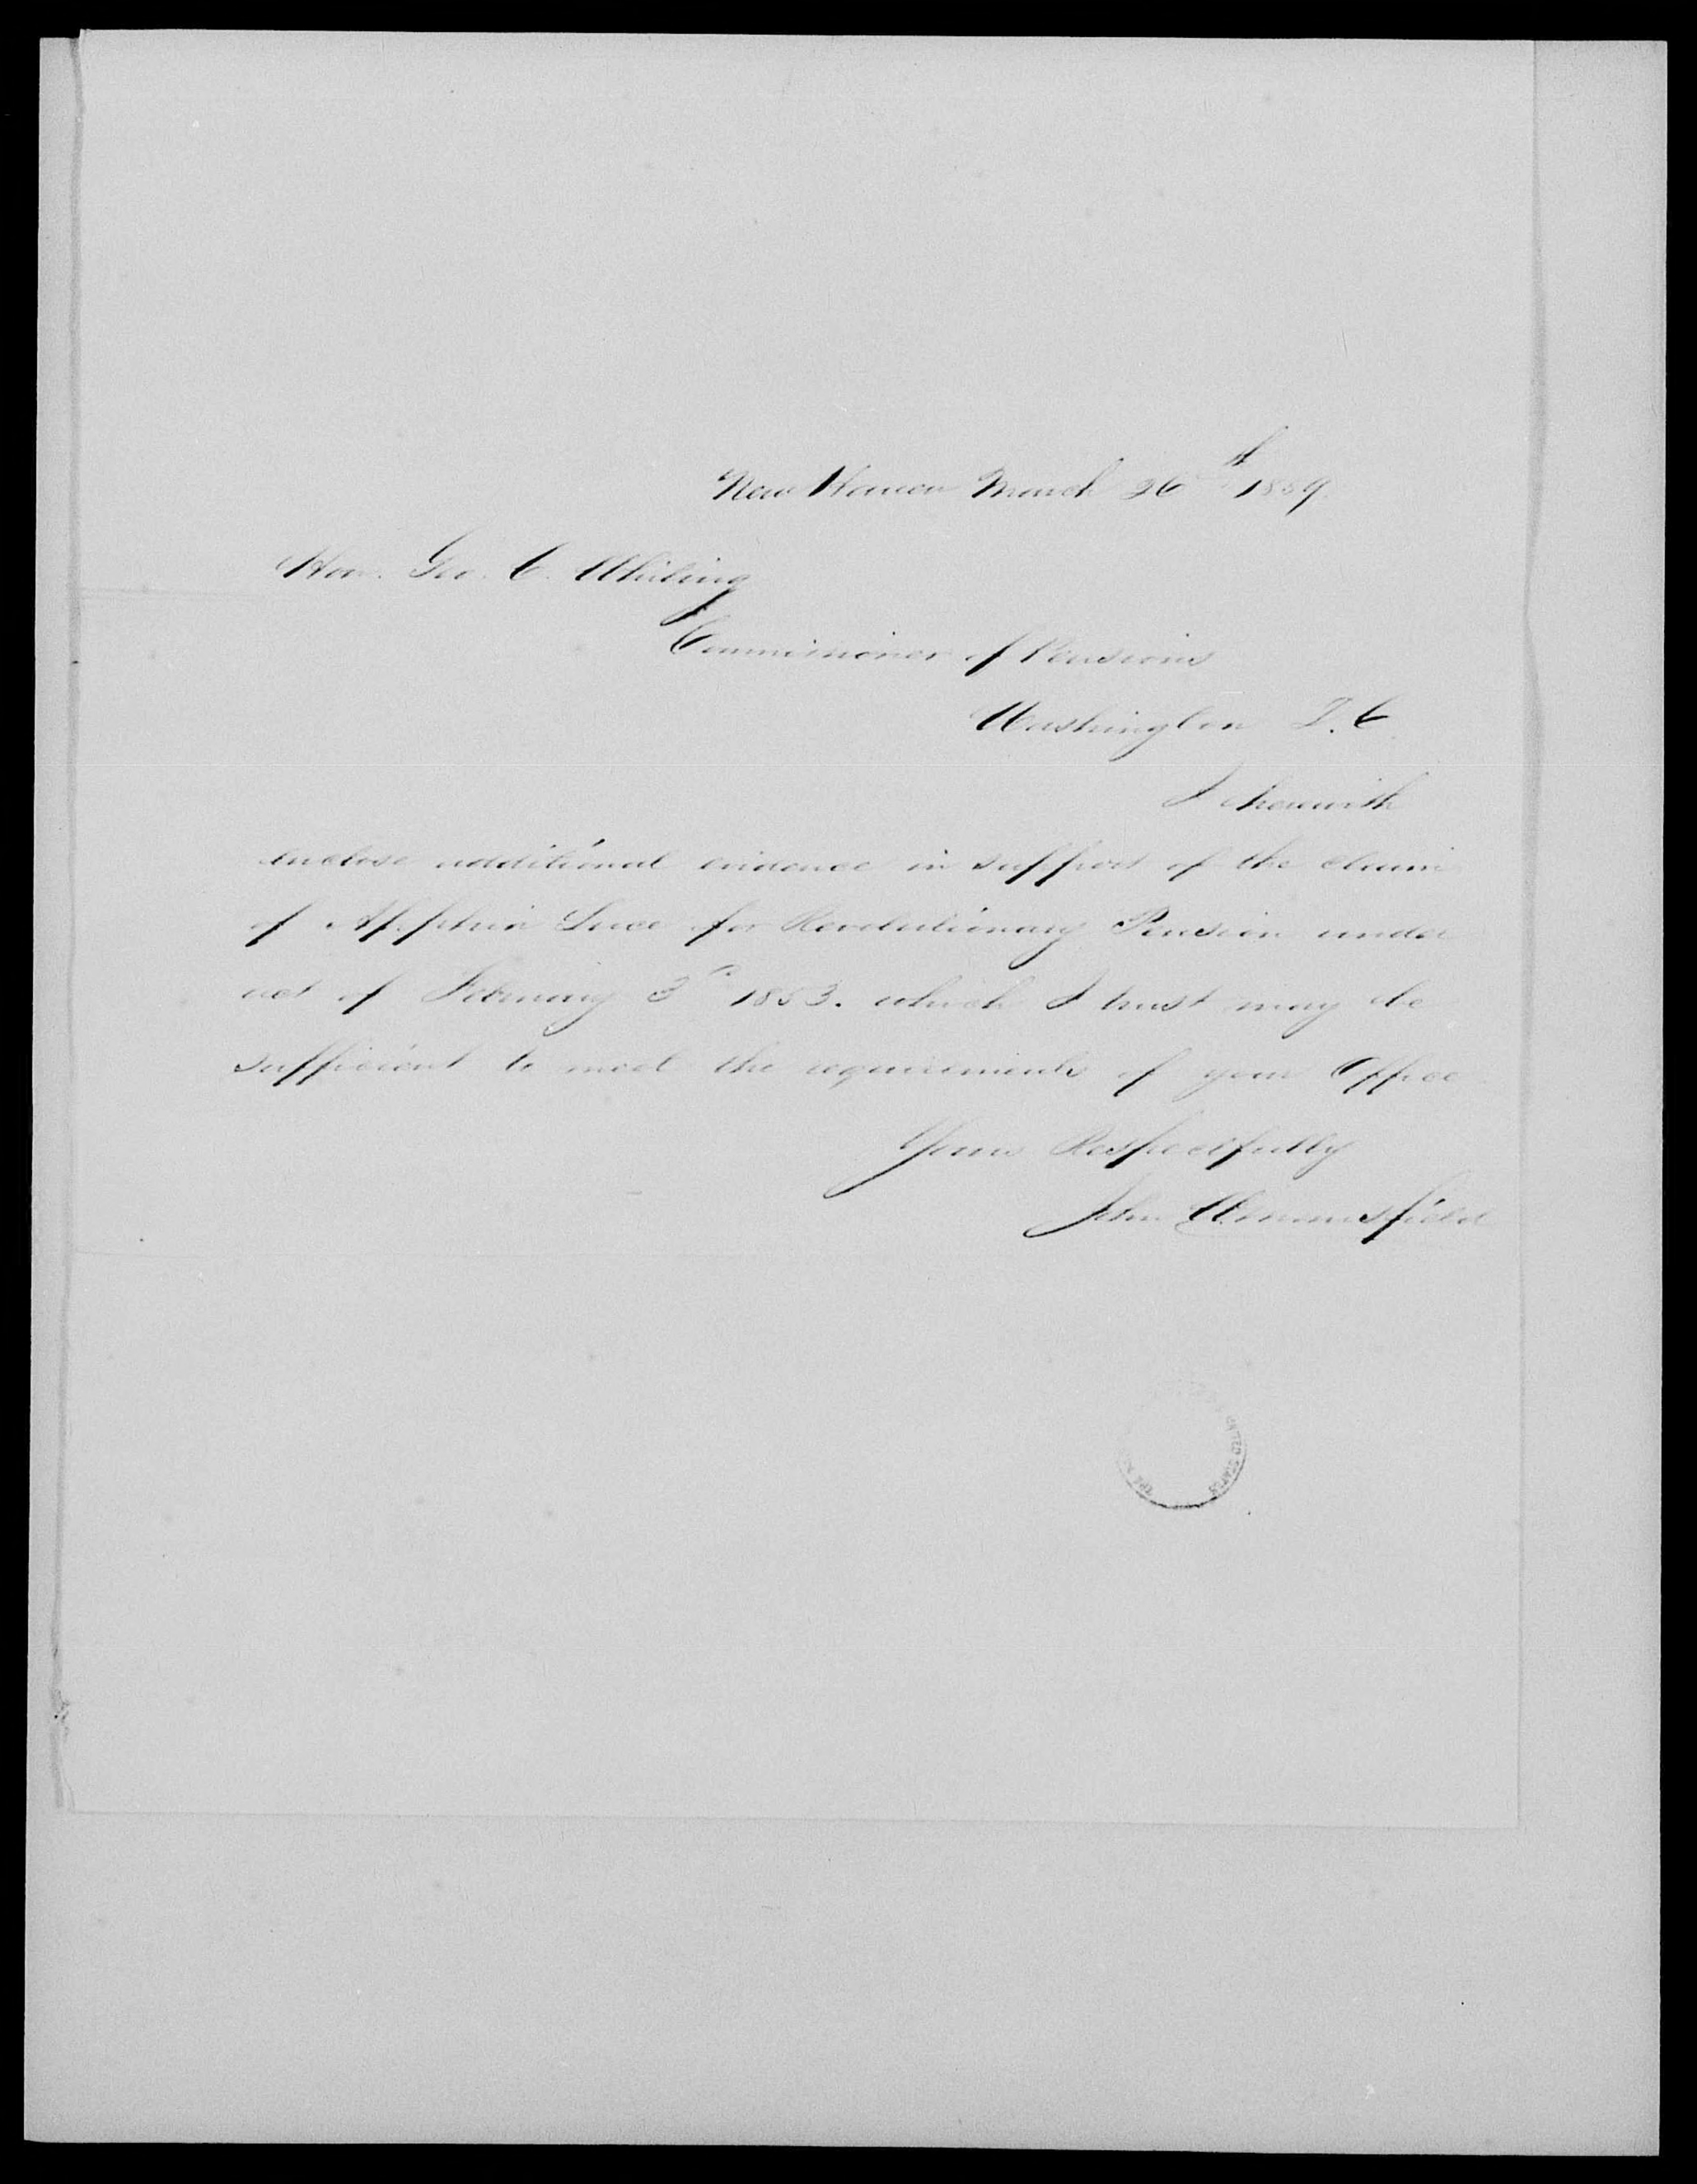New Haven March 26th 1834

Hon. Geo. C. Whiting
Commissioner of Pensions
Washington D.C.

I herewith enclose additional evidence in support of the claim of Apphia Luce for Revolutionary Pension under act of February 3rd 1853. which I trust may be sufficient to meet the requirements of your Office

Yours Respectfully
[signed]
John W. Mansfield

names: John W Mansfield; Geo C Whiting; Apphia Luce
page: 33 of 70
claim: rejected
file: R. 6510, for Israel Luce, New York